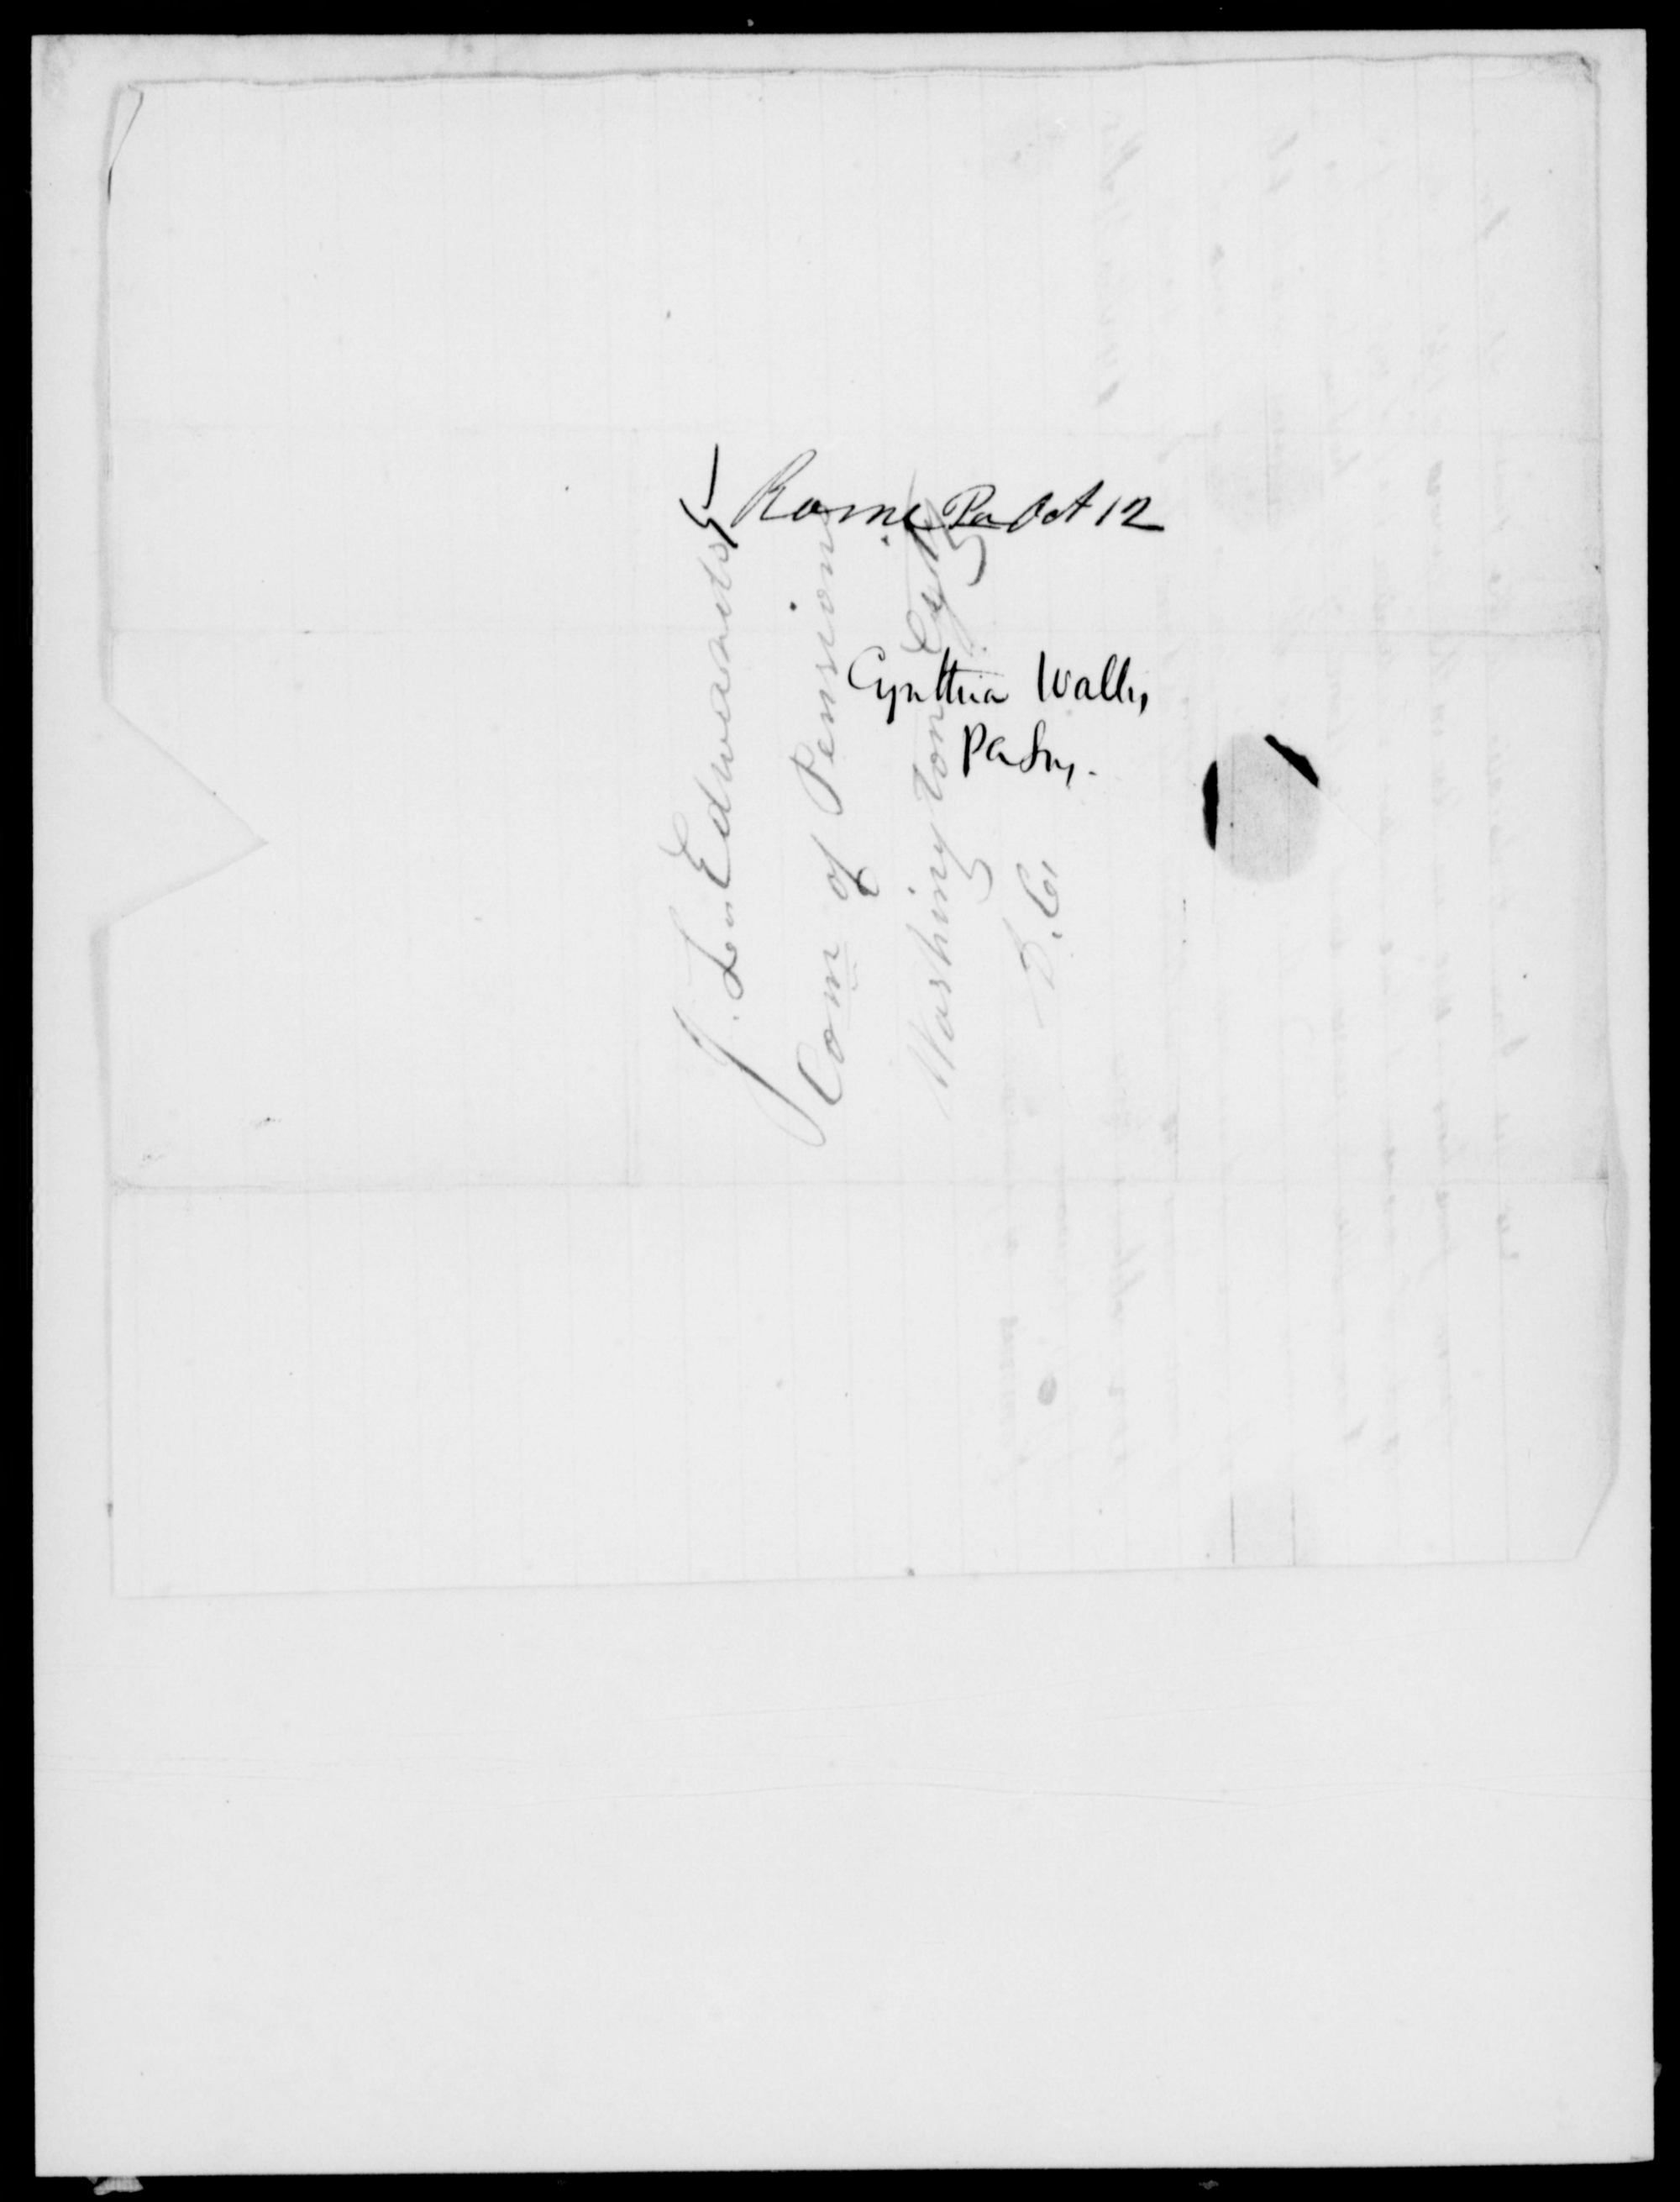Rome, Pa     Oct 12

Cynthia Wallis
[    ]


J. L. Edwards
Com  of Pensions
Washington City
D. C.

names: J L Edwards, Cynthia Wallis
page: 55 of 70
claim: widow's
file: W. 3743, Dan Wattles, Conn.